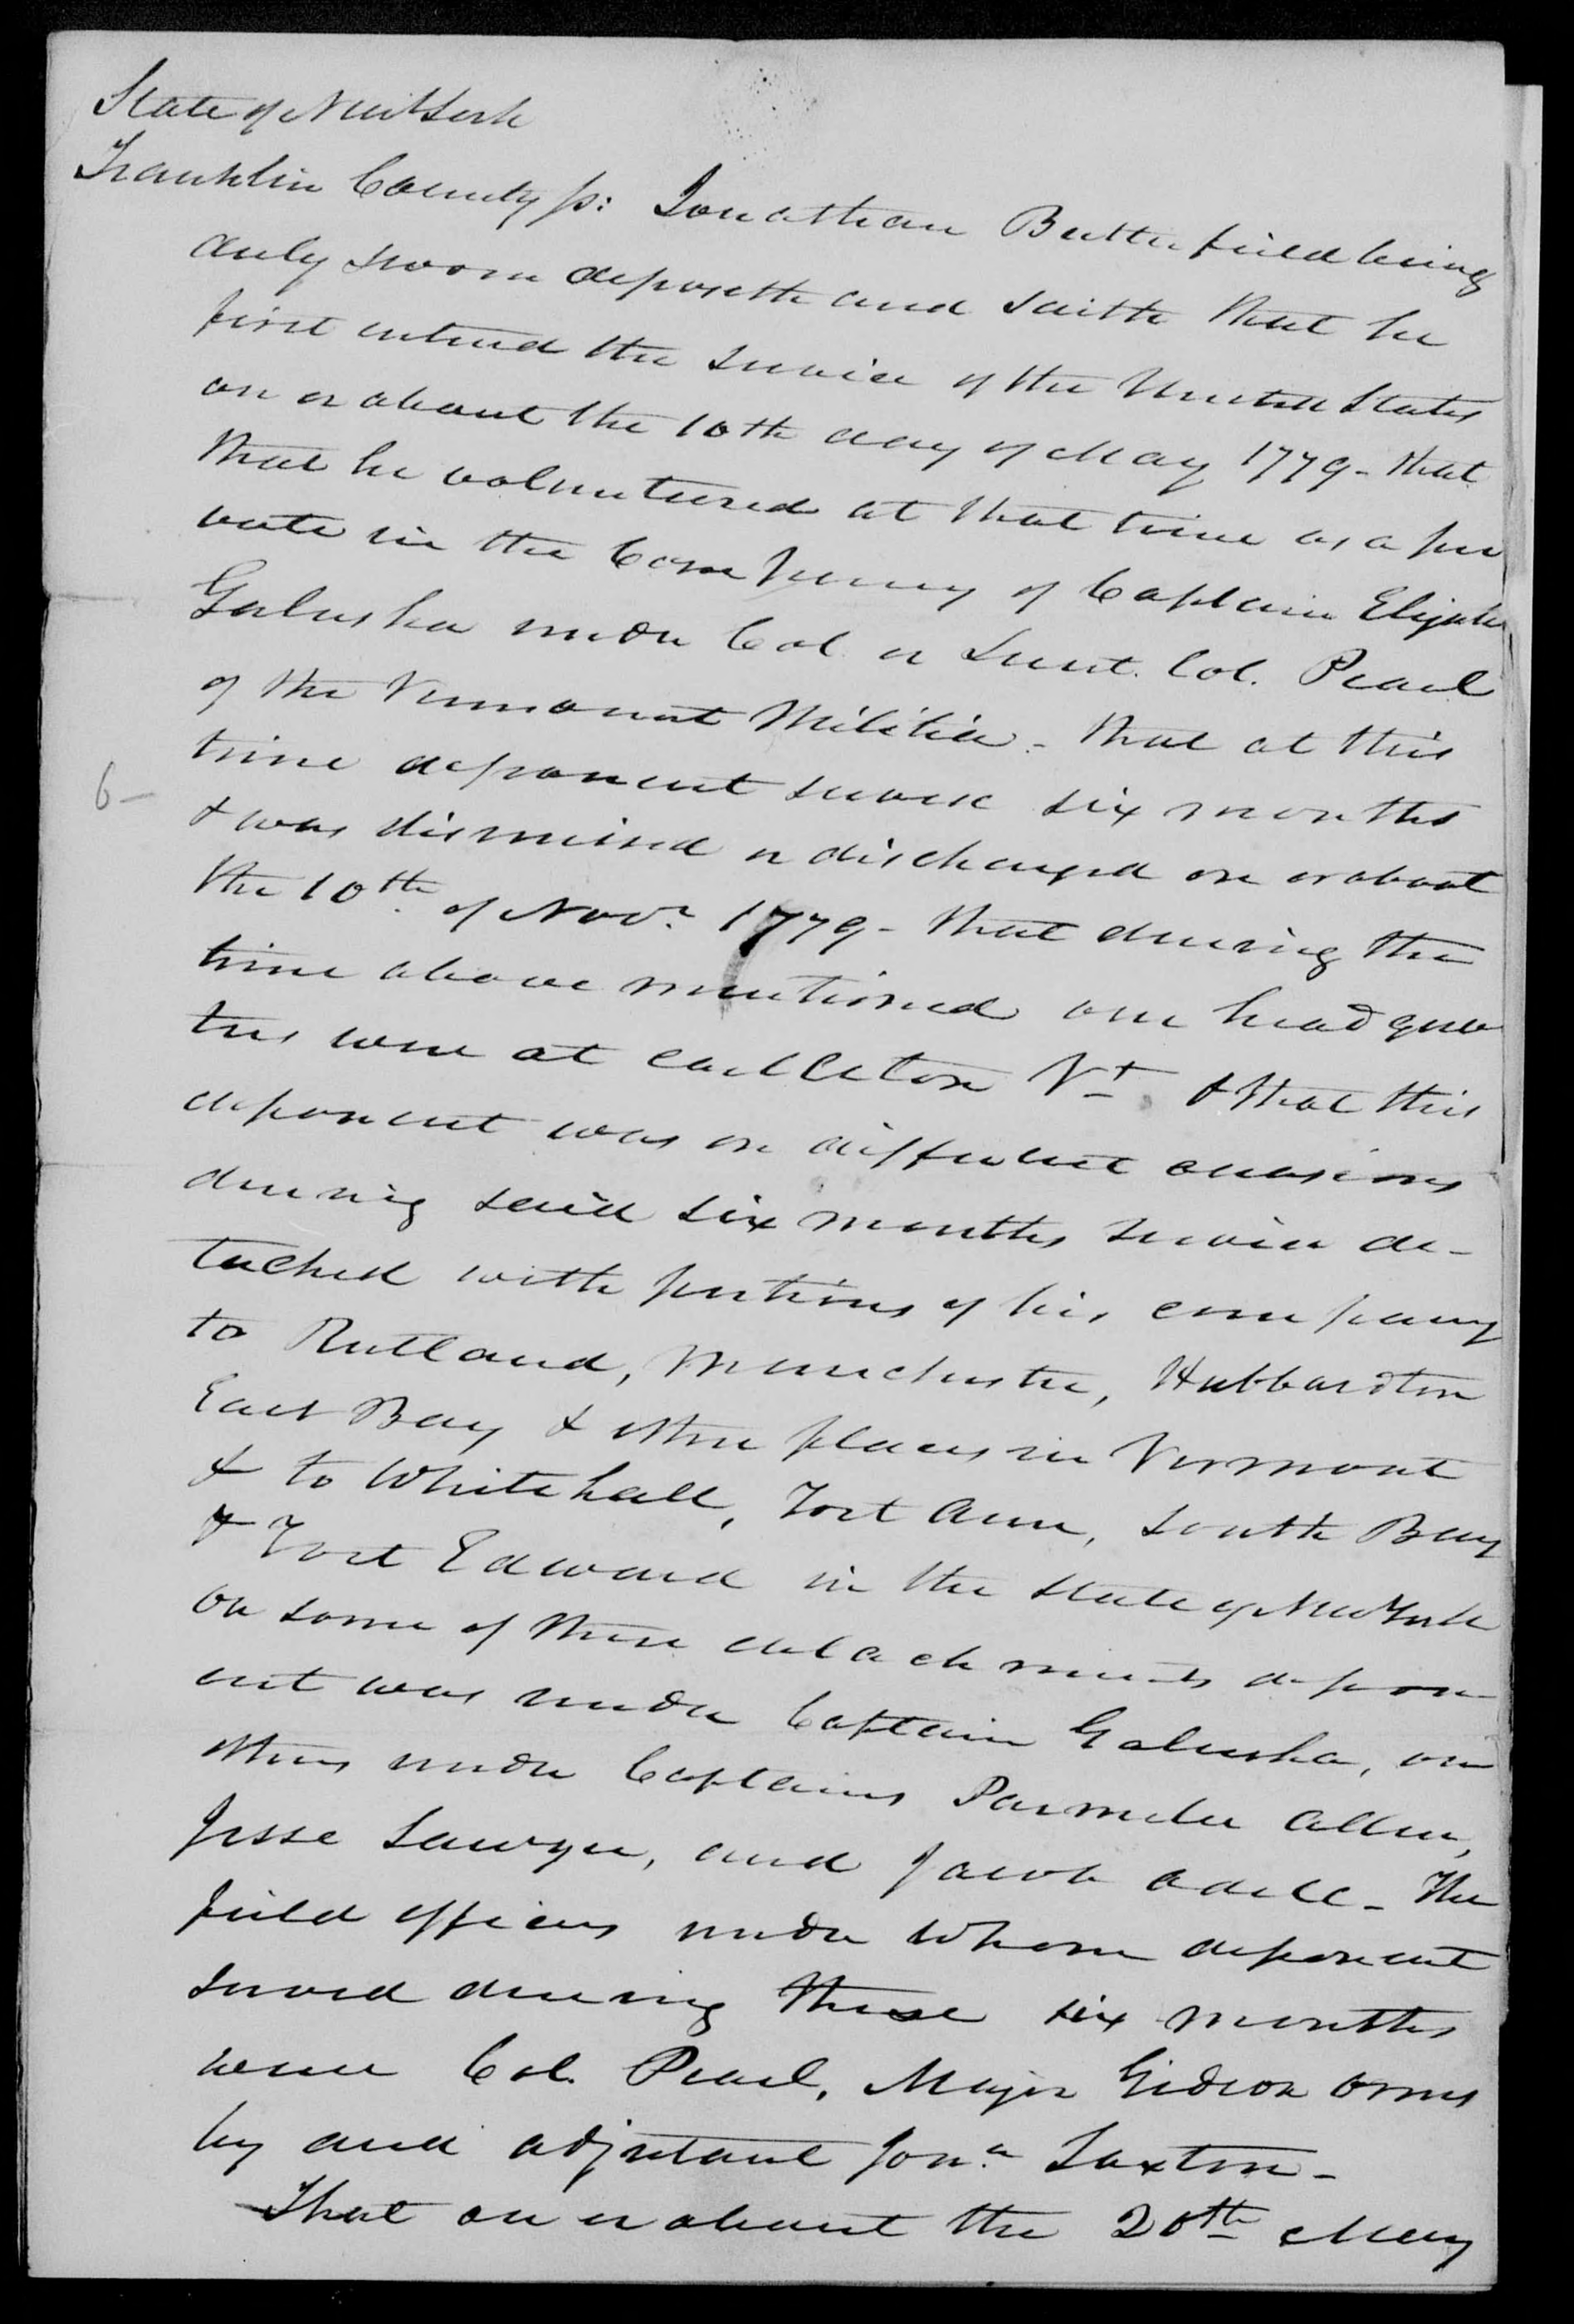State of New York
Franklin County ss: 
Jonathan Butterfield being duly sworn deposeth and saith that he first entered the service of the United States on or about the 10th day of May 1779, that that he volunteered at that time as a
private in the Company of Captain Elijah Galusha under Col Pearl of the Vermont Militia, that at this
the deponent served six months & was dismissed or discharged on or about the 10th of Nov. 1779. that during the time above mentioned our 
headquarters  were at Carleton Vt. & that this
deponent was on different occasions during said six months detached with members of his company
to Rutland, Manchester, Hubbardton East Bay & the places in Vermont to Whitehall Fort Ann, South Bay & Fort Edward in the State, on some of these detachments upon it was under Captain Galusha, on the under Captains Parmelee Allen, Jesse Sawyer, and at all the field officers under whom deponent served during these six months her Col Peace, Major Gidion Ormsby and adjutant for Laxton
That on or about the 20th May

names: Elijah Galusha, Pearl, Pearl, Gideon Orms, Jacob Odell, Jonathan Butterfield, Jona Saxton, Galusha, Jesse Sawyer, Parmelee Allen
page: 19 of 40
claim: rejected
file: R. 1558, Jonathan Butterfield, Mass. Vt.